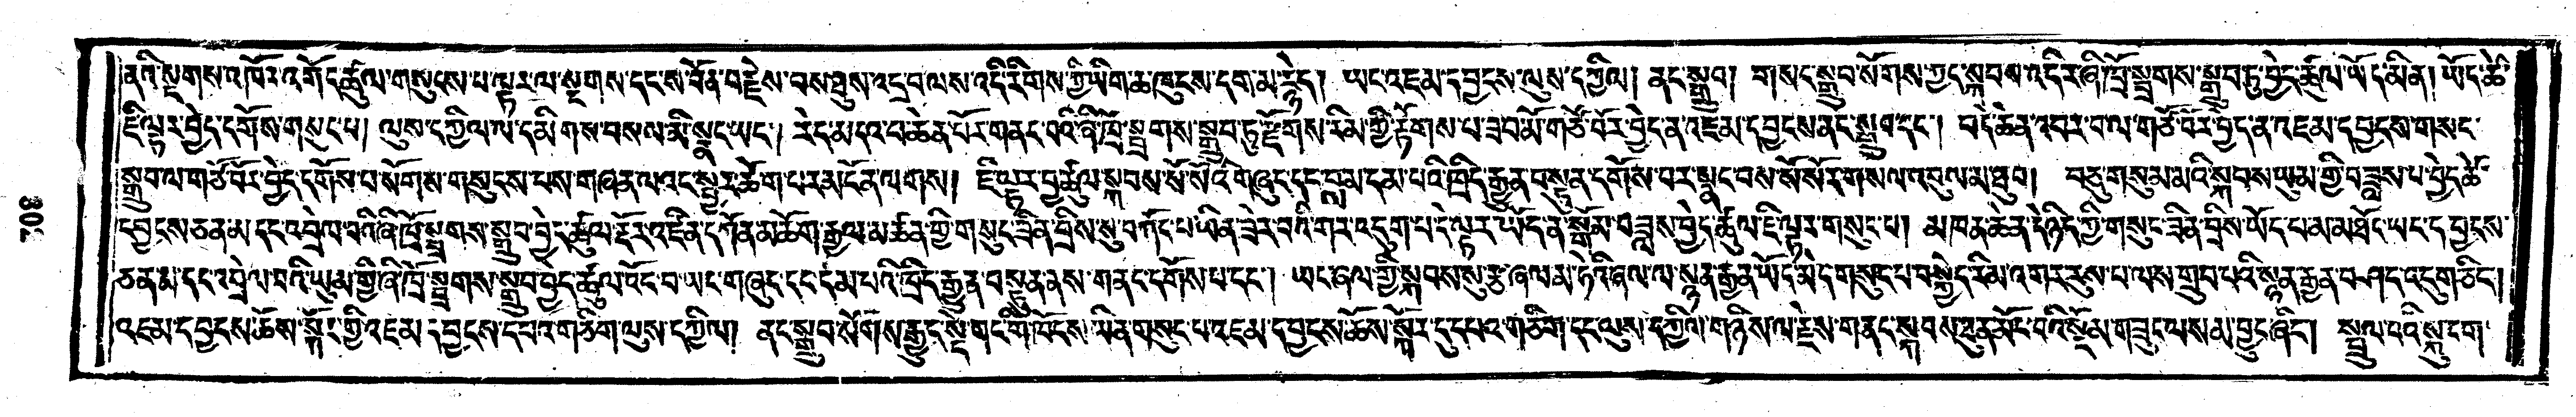ནའི་སྔགས་འཁོར་འགོད་ཚུལ་གསུངས་པ་ལྟར་ལ་སྔགས་དང་ས་བོན་བརྗེས་བས་ཐུས་འདྲ་བ་ལས་འདི་རིགས་ཀྱི་ཡིག་ཆ་ཁུངས་དག་མ་རྙེད། ཡང་འཇམ་དབྱངས་ལུས་དཀྱིལ། ནང་སྒྲུབ། གསང་སྒྲུབ་སོགས་ཀྱང་སྐབས་འདིར་ཞི་ཁྲོ་སྦྲགས་སྒྲུབ་ཏུ་བྱེད་ཚུལ་ཡོད་མིན། ཡོད་ཚེ་
ཇི་ལྟར་བྱེད་དགོས་གསུང་པ། ལུས་དཀྱིལ་ལ་དམིགས་བསལ་མི་སྣང་ཡང་། རེད་མདའ་པ་ཆེན་པོར་གནང་བའི་ཞི་ཁྲོ་སྦྲགས་སྒྲུབ་ཏུ་རྫོགས་རིམ་གྱི་རྟོགས་པ་ཟབ་མོ་གཙོ་བོར་བྱེད་ན་འཇམ་དབྱངས་ནང་སྒྲུབ་དང་། བདེ་ཆེན་འབར་བ་ལ་གཙོ་བོར་བྱེད་ན་འཇམ་དབྱངས་གསང་
སྒྲུབ་ལ་གཙོ་བོར་བྱེད་དགོས་བ་སོགས་གསུངས་པས་གཞན་ལའང་སྦྱར་ཆོག་པར་མངོན་ལགས། ཇི་ལྟར་བྱ་ཚུལ་སྐབས་སོ་སོའི་གཞུང་དང་བླ་མ་དམ་པའི་ཁྲིད་རྒྱུན་བསྟུན་དགོས་བར་སྣང་བས་སོ་སོར་གསལ་འབུལ་མ་ཐུབ། བཅུ་གསུམ་མའི་སྐབས་ཡུམ་གྱི་བཟླས་པ་བྱེད་ཚེ་
དབྱངས་ཅན་མ་དང་འབྲེལ་བའི་ཞི་ཁྲོ་སྦྲགས་སྒྲུབ་བྱེད་ཚུལ་རྡོར་འཛིན་དཀོན་མཆོག་རྒྱལ་མཚན་གྱི་གསུང་ཟིན་བྲིས་སུ་བཀོད་པ་ཡིན་ཟེར་བའི་གར་འདུག་པ་དེ་ལྟར་ཡོད་ན་སྒོམ་བཟླས་བྱེད་ཚུལ་ཇི་ལྟར་གསུང་པ། མཁན་ཆེན་དེ་ཉིད་ཀྱི་གསུང་ཟིན་བྲིས་ཡོད་པ་མ་མཐོང་ཡང་དབྱངས་
ཅན་མ་དང་འབྲེལ་བའི་ཡུམ་གྱི་ཞི་ཁྲོ་སྦྲགས་སྒྲུབ་བྱེད་ཚུལ་འོང་བ་ཡང་གཞུང་དང་དམ་པའི་ཁྲིད་རྒྱུན་བསྟུན་ནས་གནང་དགོས་པ་དང་། ཡང་ཞལ་གྱི་སྐབས་སུ་རྩ་ཞལ་མ་ཧེའི་ཞལ་ལ་སྙན་རྒྱན་ཡོད་མེད་གསུང་པ་བསྐྱེད་རིམ་འགར་རུས་པ་ལས་གྲུབ་པའི་སྙན་རྒྱན་བཤད་འདུག་ཅིང་།
འཇམ་དབྱངས་ཆོས་སྐོར་གྱི་འཇམ་དབྱངས་དཔའ་གཅིག་ལུས་དཀྱིལ། ནང་སྒྲུབ་སོགས་རྒྱུད་སྡེ་གང་གི་ཁོངས་ཡིན་གསུང་པ་འཇམ་དབྱངས་ཆོས་སྐོར་དུ་དཔའ་གཅིག་དང་ལུས་དཀྱིལ་གཉིས་ལ་རྗེས་གནང་སྐབས་ཐུན་མོང་བའི་སྡོམ་གཟུང་ལས་མ་བྱུང་ཞིང་། སྦྲུལ་བའི་སྐུ་ངག་